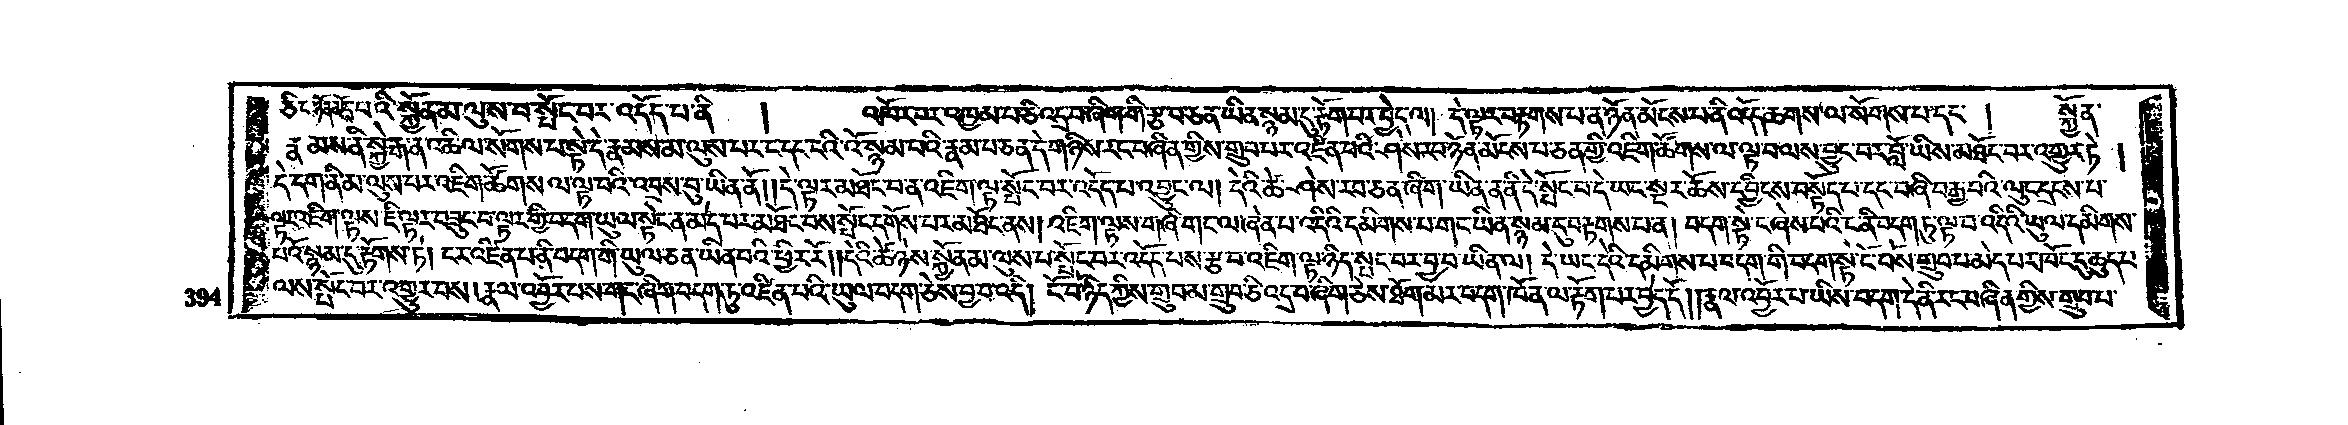ཅིང་ཉོན་མོངས་པའི་སྐྱོན་མ་ལུས་པ་སྤོང་བར་འདོད་པ་ནི། འཁོར་བར་འཁྱམ་པ་འདི་ཅི་འདྲ་བ་ཞིག་གི་རྩ་བ་ཅན་ཡིན་སྙམ་དུ་རྟོག་པར་བྱེད་ལ། དེ་ལྟར་བརྟགས་པ་ན་ཉོན་མོངས་པ་ནི་འདོད་ཆགས་ལ་སོགས་པ་དང་། སྐྱོན་
རྣམས་ནི་སྐྱེ་རྒ་ན་འཆི་ལ་སོགས་པ་སྟེ་དེ་རྣམས་མ་ལུས་པར་ང་དང་ངའི་འོ་སྙམ་པའི་རྣམ་པ་ཅན་དེ་གཉིས་རང་བཞིན་གྱིས་གྲུབ་པར་འཛིན་པའི་ཤེས་རབ་ཉོན་མོངས་པ་ཅན་གྱི་འཇིག་ཚོགས་ལ་ལྟ་བ་ལས་བྱུང་བར་བློ་ཡིས་མཐོང་བར་འགྱུར་ཏེ།
དེ་དག་ནི་མ་ལུས་པར་འཇིག་ཚོགས་ལ་ལྟ་བའི་འབྲས་བུ་ཡིན་ནོ། །དེ་ལྟར་མཐོང་བ་ན་འཇིག་ལྟ་སྤོང་བར་འདོད་པ་འབྱུང་ལ། དེའི་ཚེ་ཤེས་རབ་ཅན་ཞིག་ཡིན་ན་ནི་དེ་སྤོང་བ་དེ་ཡང་སྔར་ཆོས་དབྱིངས་བསྟོད་པ་དང་བཞི་བརྒྱ་བའི་ལུང་དྲངས་པ་
ལྟར་འཇིག་ལྟས་ཇི་ལྟར་བཟུང་བ་ལྟར་གྱི་བདག་ཡུལ་སྟེང་ན་མེད་པར་མཐོང་བས་སྤོང་དགོས་པར་མཐོང་ནས། འཇིག་ལྟས་གཞི་གང་ལ་ཞེན་པ་འདིའི་དམིགས་པ་གང་ཡིན་སྙམ་དུ་བརྟགས་པ་ན། བདག་སྟེ་ང་ཞེས་པའི་ང་ནི་བདག་ཏུ་ལྟ་བ་འདིའི་ཡུལ་དམིགས་
པའོ་སྙམ་དུ་རྟོགས་ཏེ། ངར་འཛིན་པ་ནི་བདག་གི་ཡུལ་ཅན་ཡིན་པའི་ཕྱིར་རོ། །དེའི་ཚེ་ཉེས་སྐྱོན་མ་ལུས་པ་སྤོང་བར་འདོད་པས་རྩ་བ་འཇིག་ལྟ་ཉིད་སྤང་བར་བྱ་བ་ཡིན་ལ། དེ་ཡང་དེའི་དམིགས་པ་བདག་གི་བདག་སྟེ་ངོ་བོས་གྲུབ་པ་མེད་པར་ཁོང་དུ་ཆུད་པ་
ལས་སྤོང་བར་འགྱུར་བས། རྣལ་འབྱོར་པས་གང་ཞིག་བདག་ཏུ་འཛིན་པའི་ཡུལ་བདག་ཅེས་བྱ་བ་འདི། ངོ་བོ་ཉིད་ཀྱིས་གྲུབ་མ་གྲུབ་ཅི་འདྲ་བ་ཞིག་ཅེས་ཐོག་མར་བདག་ཁོ་ན་ལ་རྟོག་པར་བྱེད་དོ། །རྣལ་འབྱོར་པ་ཡིས་བདག་དེ་ནི་རང་བཞིན་གྱིས་གྲུབ་པ་